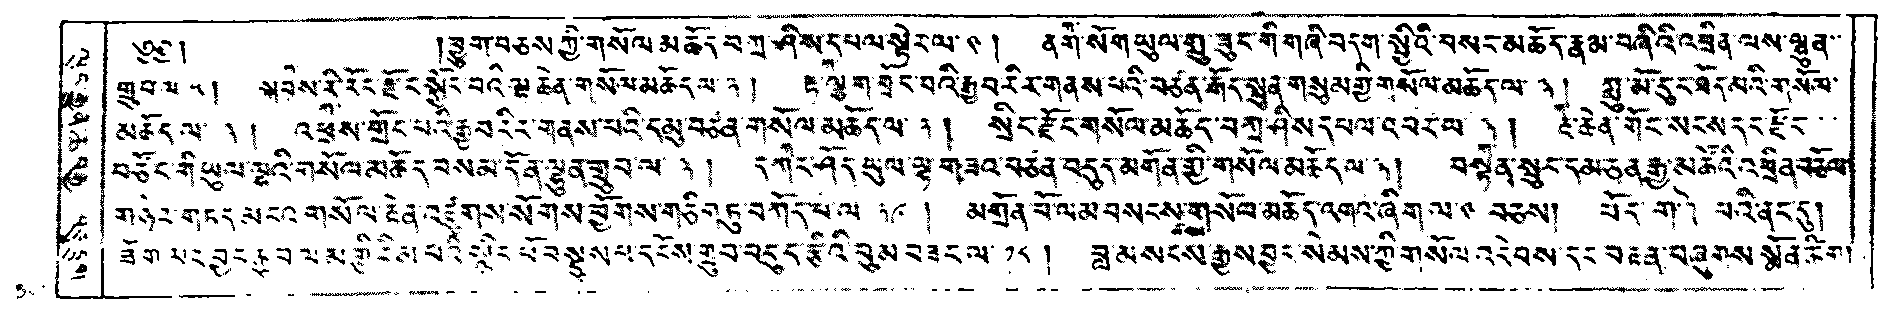༄༅། །ཕྱུག་བཅས་ཀྱི་གསོལ་མཆོད་བཀྲ་ཤིས་དཔལ་སྟེར་ལ ༤། ནག་ཀ་སོག་ཡུལ་གྲུ་ཟུང་གི་གཞི་བདག་སྤྱིའི་བསང་མཆོད་རྣམ་བཞིའི་འཕྲིན་ལས་ལྷུན་
གྲུབ་ལ ༥། སྐབས་ཀ་རི་རོང་རྫོང་སྐྱོང་བའི་ལྷ་ཆེན་གསོལ་མཆོད་ལ ༢། རྟ་ཀ་ལྕག་གྲོང་བའི་རྒྱབ་རིར་གནས་པའི་བཙན་རྒོད་སྤུན་གསུམ་གྱི་གསོལ་མཆོད་ལ ༣། ཀླུ་མོ་དུང་ཐོད་མའི་གསོལ་
མཆོད་ལ ༣། འཕྲས་གྲོང་པའི་རྒྱབ་རིར་གནས་པའི་དམུ་བཙན་གསོལ་མཆོད་ལ ༢། སྲིང་རྫོང་གསོལ་མཆོད་བཀྲ་ཤིས་དཔལ་འབར་ལ ༣། རྔ་ཀ་ཆེན་གོང་སངས་དང་རྫོང་
བཙོང་གི་ཡུལ་ལྷའི་གསོལ་མཆོད་བསམ་དོན་ལྷུན་གྲུབ་ལ ༣། དཀར་ཀ་ཤོད་ཡུལ་ལྷ་གཟའ་བཙན་བདུད་མགོན་གྱི་གསོལ་མཆོད་ལ ༣། བསྟན་ཀ་སྲུང་དམ་ཅན་རྒྱ་མཚོའི་འཕྲིན་བཅོལ་
གཉེར་གཏད་མངའ་གསོལ་རྟེན་འཛུགས་སོགས་ཕྱོགས་གཅིག་ཏུ་བཀོད་པ་ལ ༢༩། མགྲོན་པོ་ལམ་བསངས་སོགས་གསོལ་མཆོད་འགའ་ཞིག་ལ ༤་བཅས། པོད་ག྄་པའི་ནང་དུ།
ཐོག་མར་བྱང་ཆུབ་ལམ་གྱི་རིམ་པའི་སྙིང་པོ་བསྡུས་པ་དངོས་གྲུབ་བདུད་རྩིའི་བུམ་བཟང་ལ ༡༨། བླ་མ་སངས་རྒྱས་བྱང་སེམས་ཀྱི་གསོལ་འདེབས་དང་བརྟན་བཞུགས་སྨོན་ཚིག །